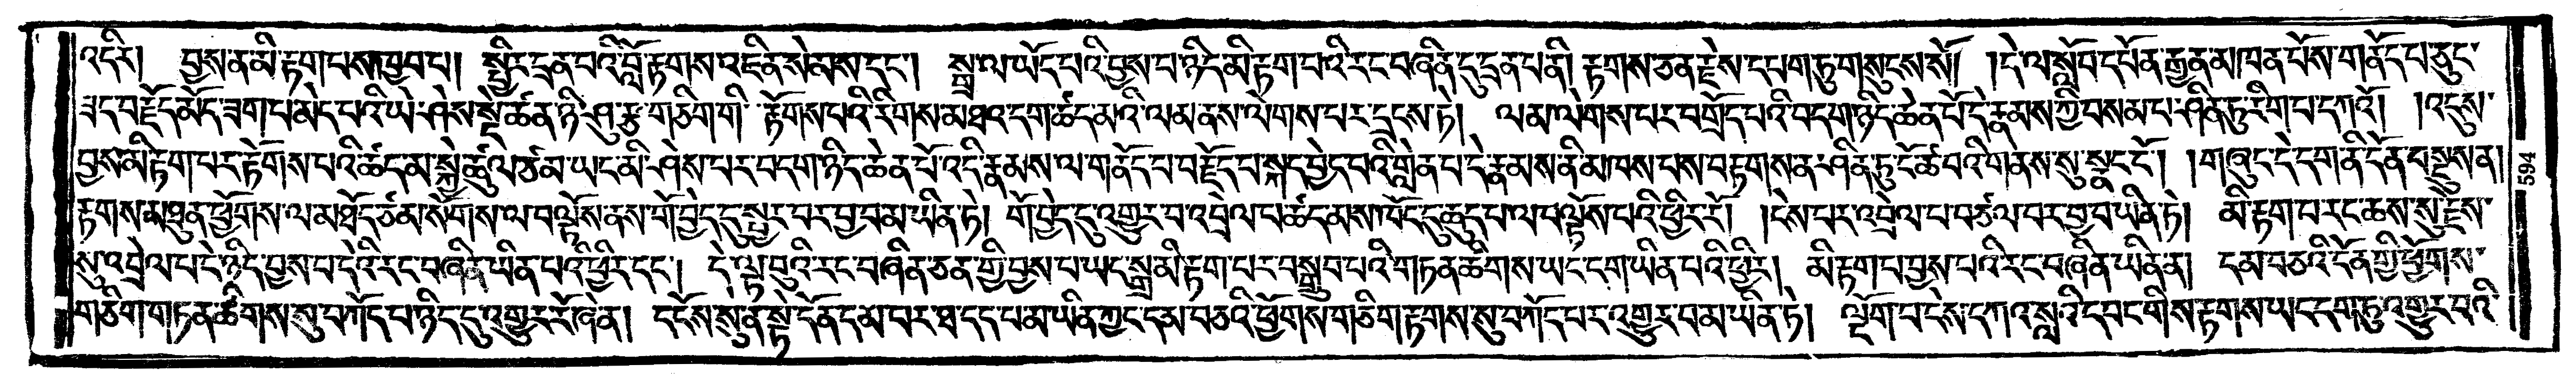འདིར། བྱས་ན་མི་རྟག་པས་ཁྱབ་པ། སྤྱིར་དྲན་པའི་བློ་རྟགས་འཛིན་སེམས་དང་། སྒྲ་ལ་ཡོད་པའི་བྱས་པ་ཉིད་མི་རྟག་པའི་རང་བཞིན་དུ་དྲན་པ་ནི། རྟགས་ཅན་རྗེས་དཔག་ཏུ་གསུངས་སོ། །དེ་ལ་སློབ་དཔོན་རྒྱན་མཁན་པོས་གནོད་པ་ཅུང་
ཟད་བརྗོད་མོད་ཟག་པ་མེད་པའི་ཡེ་ཤེས་སྡེ་ཚན་ཉི་ཤུ་རྩ་གཅིག་གི་རྟོགས་པའི་རིགས་མཐའ་དག་ཚད་མའི་ལམ་ནས་ལེགས་པར་དྲངས་ཏེ། ལམ་ལེགས་པར་བགྲོད་པའི་བདག་ཉིད་ཆེན་པོ་དེ་རྣམས་ཀྱི་བསམ་པ་ཤིན་ཏུ་རིག་པ་དཀའོ། །འདུས་
བྱས་མི་རྟག་པར་རྟོགས་པའི་ཚད་མ་སྐྱེ་ཚུལ་ཙམ་ཡང་མི་ཤེས་པར་བདག་ཉིད་ཆེན་པོ་འདི་རྣམས་ལ་གནོད་པ་བརྗོད་པ་སྐད་བྱེད་པའི་གླེན་པ་དེ་རྣམས་ནི་མཁས་པས་བརྟགས་ན་ཤིན་ཏུ་ངོ་ཚ་བའི་གནས་སུ་སྣང་ངོ། །གཞུང་དེ་དག་ནི་དོན་བསྡུས་ན།
རྟགས་མཐུན་ཕྱོགས་ལ་མཐོད་ཙམ་སོགས་ལ་བལྟོས་ནས་གོ་བྱེད་དུ་སྦྱར་བར་བྱ་བ་མ་ཡིན་ཏེ། གོ་བྱེད་དུ་འགྱུར་བ་འབྲེལ་པ་ཚད་མས་ཁོང་དུ་ཆུད་པ་ལ་བལྟོས་པའི་ཕྱིར་རོ། །ངེས་པར་འབྲེལ་པ་བཙལ་བར་བྱ་བ་ཡིན་ཏེ། མི་རྟག་པ་རང་ཆས་སུ་རྗེས་
སུ་འབྲེལ་པ་དེ་ཉིད་བྱས་པ་དེའི་རང་བཞིན་ཡིན་པའི་ཕྱིར་དང་། དེ་ལྟ་བུའི་རང་བཞིན་ཅན་གྱི་བྱས་པ་ཡང་སྒྲ་མི་རྟག་པར་བསྒྲུབ་པའི་གཏན་ཚིགས་ཡང་དག་ཡིན་པའི་ཕྱིར། མི་རྟག་པ་བྱས་པའི་རང་བཞིན་ཡིན་ན། དམ་བཅའི་དོན་གྱི་ཕྱོགས་
གཅིག་གཏན་ཚིགས་སུ་བཀོད་པ་ཉིད་དུ་འགྱུར་རོ་ཞེ་ན། དངོས་སུ་ན་སྟེ་དོན་དམ་པར་ཐ་དད་པ་མ་ཡིན་ཀྱང་དམ་བཅའི་ཕྱོགས་གཅིག་རྟགས་སུ་བཀོད་པར་འགྱུར་བ་མ་ཡིན་ཏེ། ལྡོག་པ་ངེས་དཀའ་སླའི་དབང་གིས་རྟགས་ཡང་དག་ཏུ་འགྱུར་བའི་